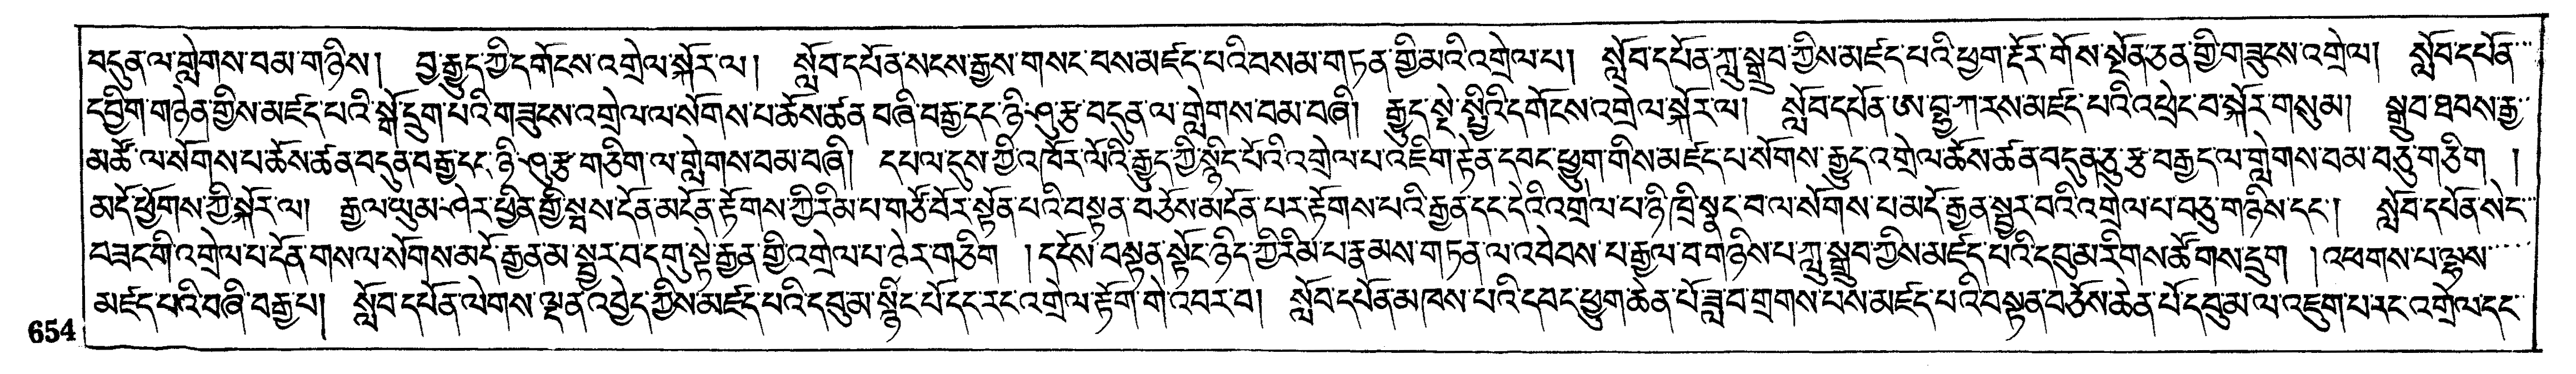བདུན་ལ་གླེགས་བམ་གཉིས། བྱ་རྒྱུད་ཀྱི་དགོངས་འགྲེལ་སྐོར་ལ། སློབ་དཔོན་སངས་རྒྱས་གསང་བས་མཛད་པའི་བསམ་གཏན་ཕྱི་མའི་འགྲེལ་པ། སློབ་དཔོན་ཀླུ་སྒྲུབ་ཀྱིས་མཛད་པའི་ཕྱག་རྡོར་གོས་སྔོན་ཅན་གྱི་གཟུངས་འགྲེལ། སློབ་དཔོན་
དབྱིག་གཉེན་གྱིས་མཛད་པའི་སྒོ་དྲུག་པའི་གཟུངས་འགྲེལ་ལ་སོགས་པ་ཆོས་ཚན་བཞི་བརྒྱ་དང་ཉི་ཤུ་རྩ་བདུན་ལ་གླེགས་བམ་བཞི། རྒྱུད་སྡེ་སྤྱིའི་དགོངས་འགྲེལ་སྐོར་ལ། སློབ་དཔོན་ཨ་བྷྱ་ཀ་རས་མཛད་པའི་འཕྲེང་བ་སྐོར་གསུམ། སྒྲུབ་ཐབས་རྒྱ་
མཚོ་ལ་སོགས་པ་ཆོས་ཚན་བདུན་བརྒྱ་དང་ཉི་ཤུ་རྩ་གཅིག་ལ་གླེགས་བམ་བཞི། དཔལ་དུས་ཀྱི་འཁོར་ལོའི་རྒྱུད་ཀྱི་སྙིང་པོའི་འགྲེལ་པ་འཇིག་རྟེན་དབང་ཕྱུག་གིས་མཛད་པ་སོགས་རྒྱུད་འགྲེལ་ཆོས་ཚན་བདུན་ཅུ་རྩ་བརྒྱད་ལ་གླེགས་བམ་བཅུ་གཅིག །
མདོ་ཕྱོགས་ཀྱི་སྐོར་ལ། རྒྱལ་ཡུམ་ཤེར་ཕྱིན་གྱི་སྦས་དོན་མངོན་རྟོགས་ཀྱི་རིམ་པ་གཙོ་བོར་སྟོན་པའི་བསྟན་བཅོས་མངོན་པར་རྟོགས་པའི་རྒྱན་དང་དེའི་འགྲེལ་པ་ཉི་ཁྲི་སྣང་པ་ལ་སོགས་པ་མདོ་རྒྱན་སྦྱར་བའི་འགྲེལ་པ་བཅུ་གཉིས་དང་། སློབ་དཔོན་སེང་
བཟང་གི་འགྲེལ་པ་དོན་གསལ་སོགས་མདོ་རྒྱན་མ་སྦྱར་བ་དགུ་སྟེ་རྒྱན་གྱི་འགྲེལ་པ་ཉེར་གཅིག །དངོས་བསྟན་སྟོང་ཉིད་ཀྱི་རིམ་པ་རྣམས་གཏན་ལ་འབེབས་པ་རྒྱལ་བ་གཉིས་པ་ཀླུ་སྒྲུབ་ཀྱིས་མཛད་པའི་དབུ་མ་རིགས་ཚོགས་དྲུག །འཕགས་པ་ལྷས་
མཛད་པའི་བཞི་བརྒྱ་པ། སློབ་དཔོན་ལེགས་ལྡན་འབྱེད་ཀྱིས་མཛད་པའི་དབུ་མ་སྙིང་པོ་དང་རང་འགྲེལ་རྟོག་གེ་འབར་བ། སློབ་དཔོན་མཁས་པའི་དབང་ཕྱུག་ཆེན་པོ་ཟླ་བ་གྲགས་པས་མཛད་པའི་བསྟན་བཅོས་ཆེན་པོ་དབུ་མ་ལ་འཇུག་པ་རང་འགྲེལ་དང་